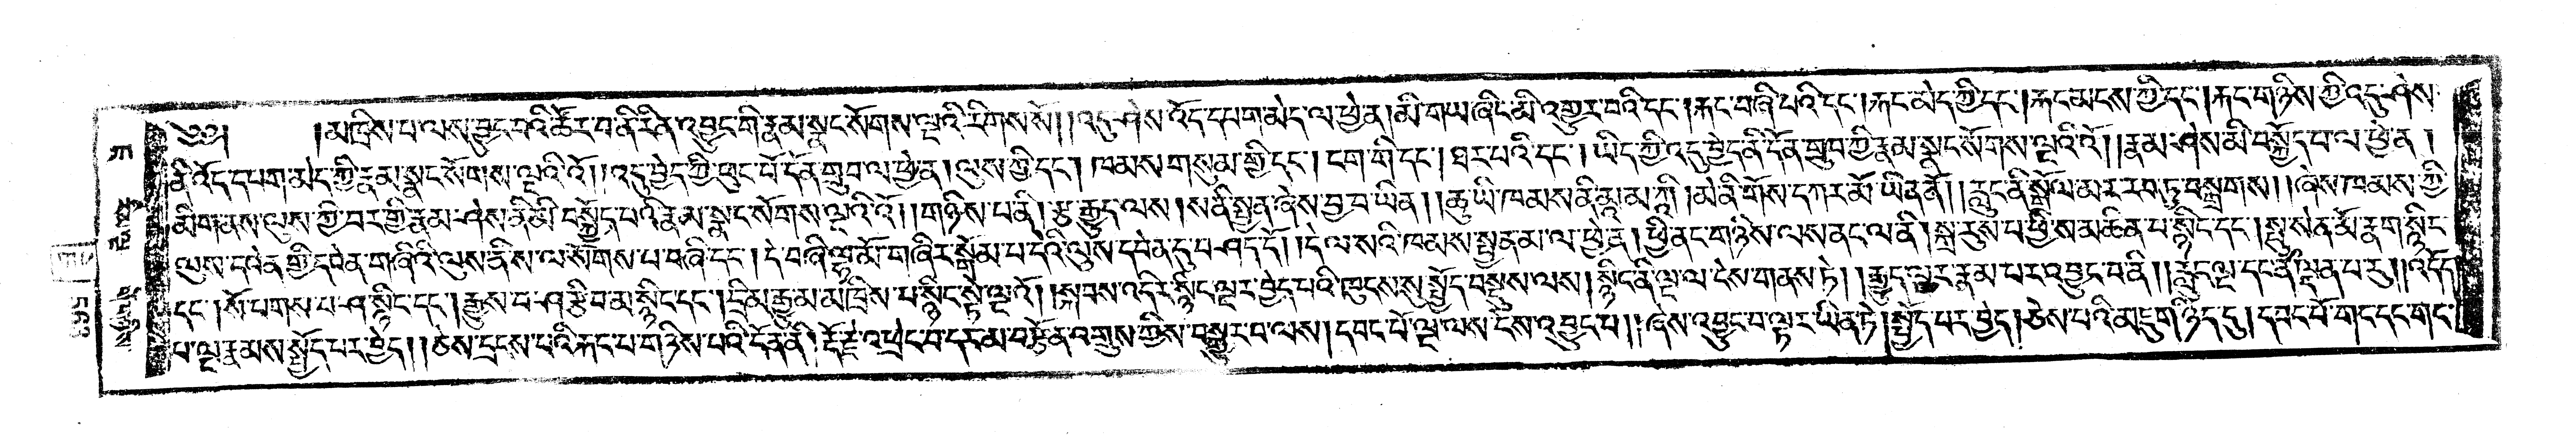༄༅། །མཁྲིས་པ་ལས་བྱུང་བའི་ཚོར་བ་ནི་རིན་འབྱུང་གི་རྣམ་སྣང་སོགས་ལྔའི་རིགས་སོ། །འདུ་ཤེས་འོད་དཔག་མེད་ལ་བྱེ་ན། མི་གཡོ་ཞིང་མི་འགྱུར་བའི་དང་། རྐང་བཞི་པའི་དང་། རྐང་མེད་ཀྱི་དང་། རྐང་མངས་ཀྱི་དང་། རྐང་གཉིས་ཀྱི་འདུ་ཤེས་
ནི་འོད་དཔག་མེད་ཀྱི་རྣམ་སྣང་སོགས་ལྔའི་འོ། །འདུ་བྱེད་ཀྱི་ཕུང་པོ་དོན་གྲུབ་ལ་ཕྱེ་ན། ལུས་ཀྱི་དང་། ཁམས་གསུམ་གྱི་དང་། ངག་གི་དང་། ཐར་པའི་དང་། ཡིད་ཀྱི་འདུ་བྱེད་ནི་དོན་གྲུབ་ཀྱི་རྣམ་སྣང་སོགས་ལྔའི་འོ། །རྣམ་ཤེས་མི་བསྐྱོད་པ་ལ་ཕྱེ་ན།
མིག་ནས་ལུས་ཀྱི་བར་གྱི་རྣམ་ཤེས་ནི་མི་བསྐྱོད་པའི་རྣམ་སྣང་སོགས་ལྔའི་འོ། །གཉིས་པ་ནི། རྩ་རྒྱུད་ལས། ས་ནི་སྤྱན་ཞེས་བྱ་བ་ཡིན། །ཆུ་ཡི་ཁམས་ནི་མཱ་མ་ཀཱི །མེ་ནི་གོས་དཀར་མོ་ཡིན་ནོ། །རླུང་ནི་སྒྲོལ་མར་རབ་ཏུ་བསྒྲགས། །ཞེས་ཁམས་ཀྱི་
ལུས་དབེན་གྱི་དབེན་གཞིའི་ལུས་ནི་ས་ལ་སོགས་པ་བཞི་དང་། དེ་བཞི་ལྷ་མོ་གཞིར་སྒོམ་པ་དེའི་ལུས་དབེན་དུ་བཤད་དོ། །དེ་ལ་སའི་ཁམས་སྤྱན་མ་ལ་ཕྱེ་ན། ཕྱི་ནང་གཉིས་ལས་ནང་ལ་ནི། སྒྲ་རུས་པ་ཕྱི་ས་མཆིན་པ་སྙིང་དང་། སྤུ་སེན་མོ་རྣག་སྙིང་
དང་། སོ་པགས་པ་ཤ་སྙིང་དང་། རྒྱུས་པ་ཤ་རྩིབ་མ་སྙིང་དང་། དྲི་མ་རྒྱུ་མ་མཁྲིས་པ་སྙིང་སྟེ་ལྔའོ། །སྐབས་འདིར་སྙིང་ལྔར་བྱེད་པའི་ཁུངས་སུ་སྤྱོད་བསྡུས་ལས། སྙིང་ནི་ལྔ་ལ་ངེས་གནས་ཏེ། །རྒྱུད་ལྔར་རྣམ་པར་འབྱུང་བ་ནི། །རླུང་ལྔ་དང་ནི་ལྡན་པ་རུ། །འདོད་
པ་ལྔ་རྣམས་སྤྱོད་པར་བྱེད། །ཅེས་དྲངས་པའི་རྐང་པ་གཉིས་པའི་དོན་ནི། རྡོ་རྗེ་འཕྲེང་བ་དར་མ་བརྩོན་འགྲུས་ཀྱིས་བསྒྱུར་བ་ལས། དབང་པོ་ལྔ་ལས་ངེས་འབྱུང་བ། །ཞེས་འབྱུང་བ་ལྟར་ཡིན་ཏེ། སྤྱོད་པར་བྱེད། ཅེས་པའི་མཇུག་ཉིད་དུ། དབང་པོ་གང་དང་གང་